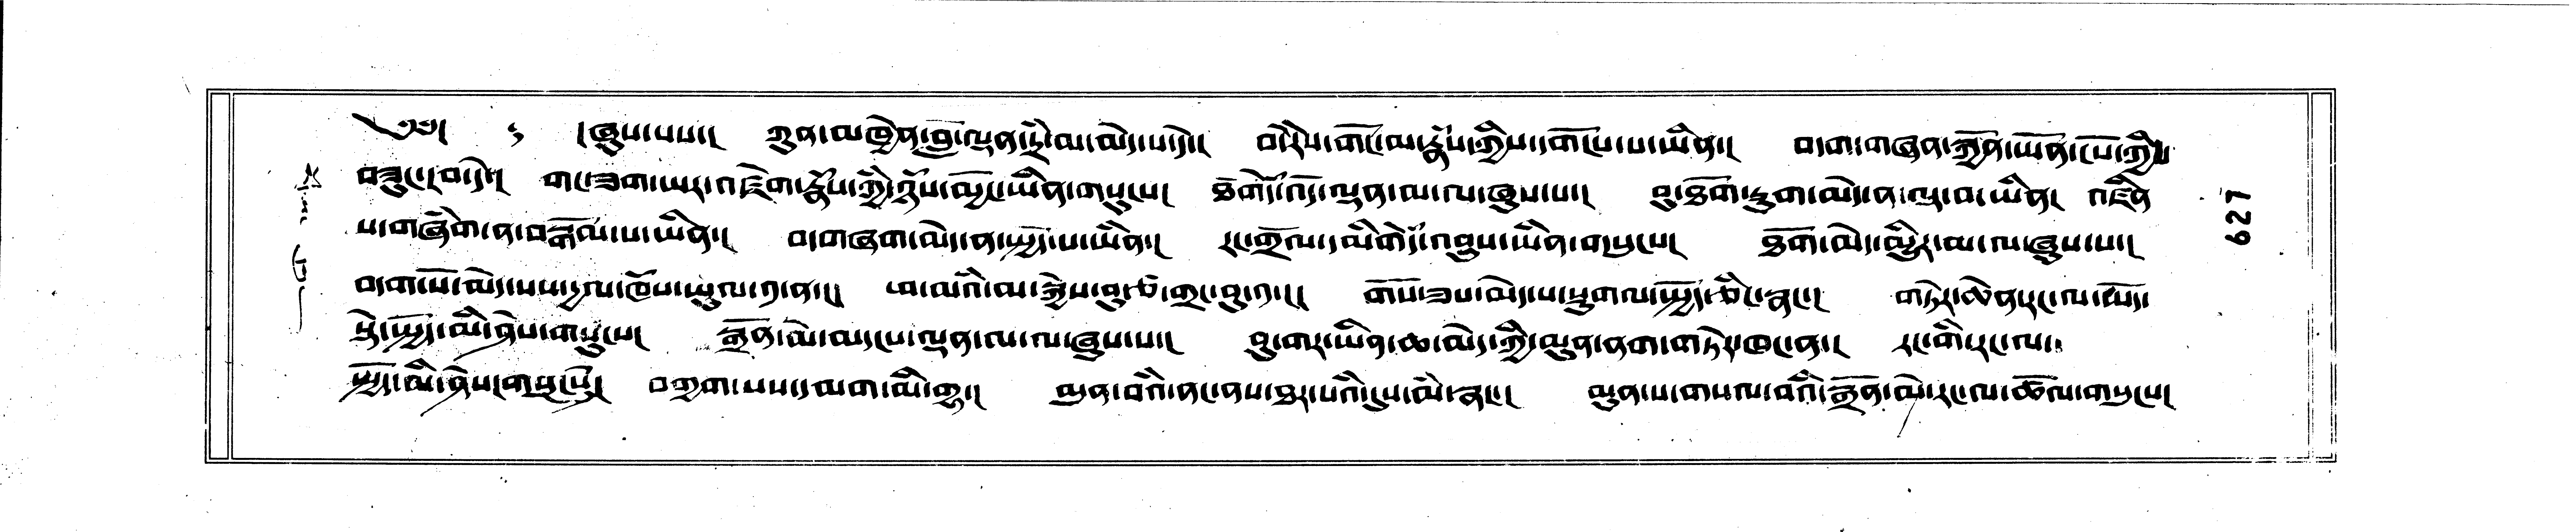སྣང་མ་ལ་ཞུས་པ། ཀུན་མཁྱེན་བློ་ལྡན་དྲི་མ་མེད་པ་དེ། བདེར་གཤེགས་གོང་མ་རྣམས་ཀྱི་དགོངས་པ་ཡིན། བདག་གཞན་སྐྱོན་ཡོན་ངོས་ཀྱི་
བཟུང་བ་དེ། གང་ཟག་ཡར་འཛེག་རྣམས་ཀྱི་ཉམས་མྱོང་ཡིན་གསུངས། ཐོགས་མེད་འོད་ལྡན་མ་ལ་ཞུས་པ། བུ་ཐོགས་སྡུག་༼རྡུག༽་མེད་ན་ལྟ་བ་ཡིན། འཛིན་
པ་ཞིགས་ན་སྒོམ་པ་ཡིན། བདག་གཞན་མེད་ན་སྤྱོད་པ་ཡིན། རང་གྲོལ་དམིགས་མེད་བརྗོད་འདས་འབྲས་བུ་ཡིན་གསུངས། ཐོགས་མེད་མི་འགྱུར་མ་ལ་ཞུས་པས། 
བདག་པོ་མེད་པའི་རྒྱལ་ཁམས་ཡུལ་ཅིག་ན། ཕ་མས་མ་བསྐྱེད་བུ་ཙ་གཅིག། གོས་ཟས་མེད་ནས་སྡུག་བསྔལ་བྱེད་ཅིང་སྣང་། གཏེར་ཆེན་ཟད་མེད་
སྟེ་སྤྱོད་མི་ཤེས་གསུངས། སྒྲོན་མེ་མདང་ལྡན་མ་ལ་ཞུས་པ། བུ་གར་ཡིན་ཆ་མེད་ཀྱི་མུན་ནག་གཏེར་ཁང་ན། རང་གི་རང་ལ་
རྒྱས་པའི་དམགས་མི་གདབ་”གྷ”། མུན་པའི་ནང་ནས་ཐར་པའི་དུས་མི་སྣང་། མུན་པ་གསལ་བའི་སྒྲོན་མེ་རང་ལ་ཚོལ་གསུངས། དབྱིངས་ཕྱུག་།